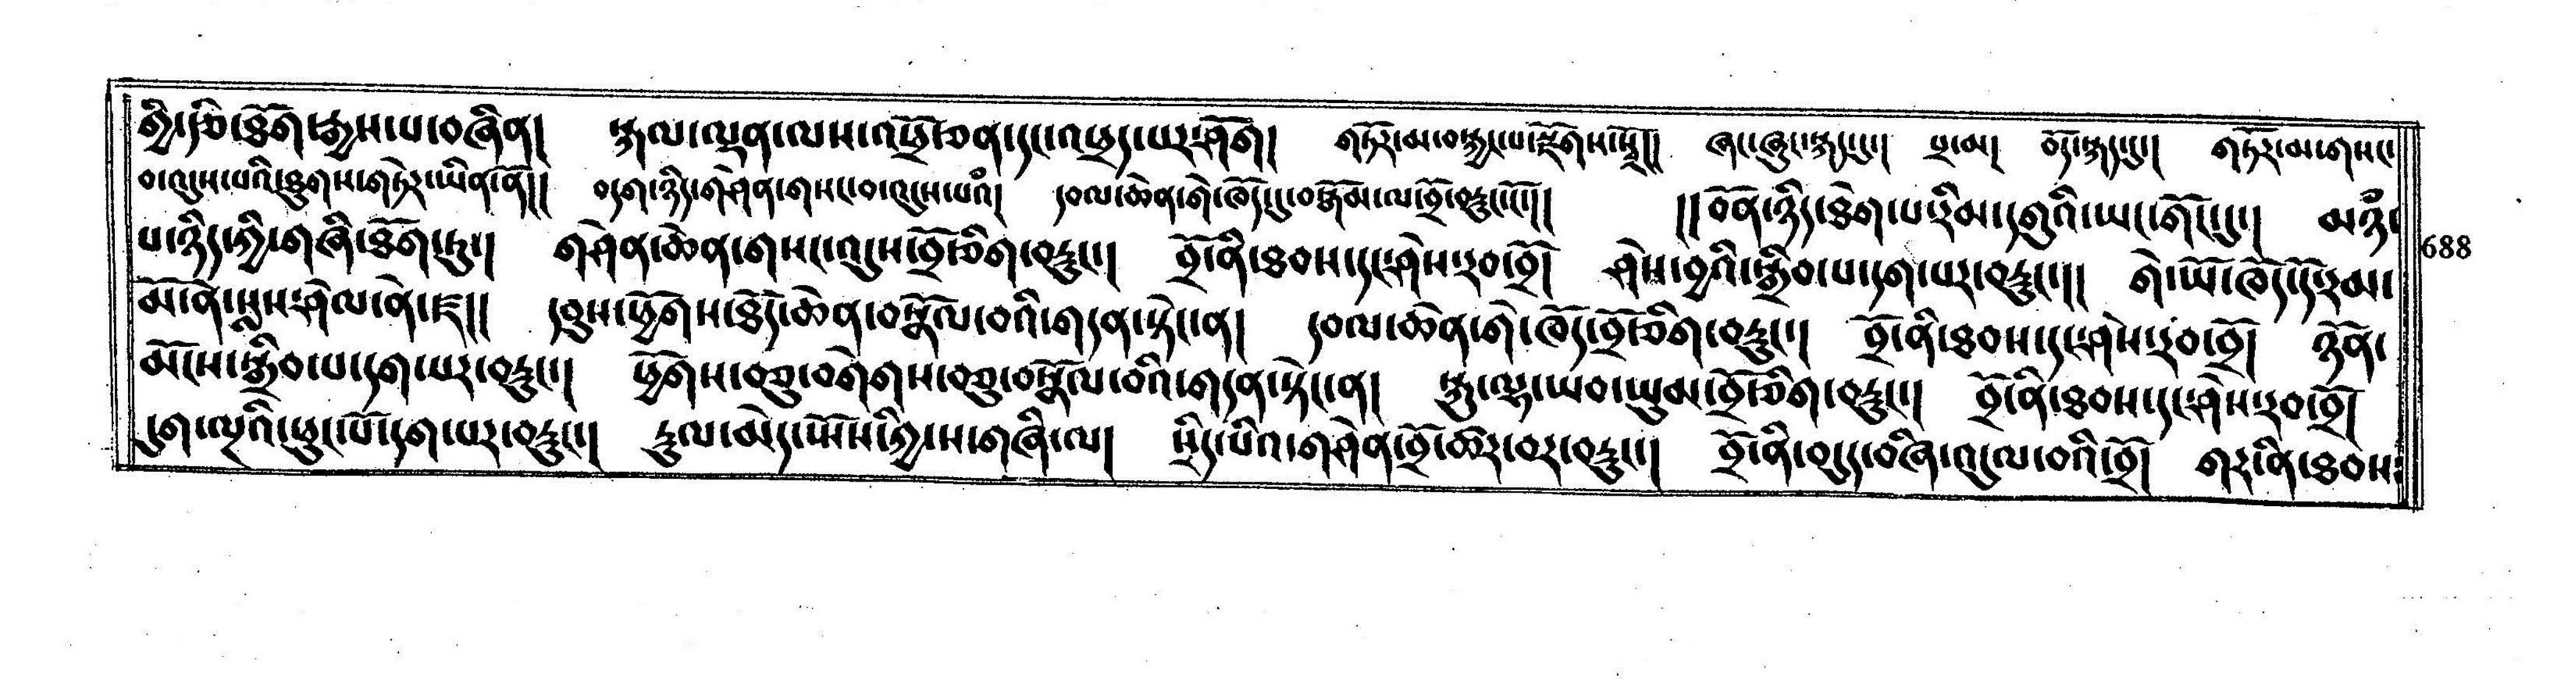གྱི་རྩི་ཐོག་རྒྱས་པ་བཞིན། སྐལ་ལྡན་ལས་འཕྲོ་ཅན་དང་འཕྲད་པར་ཤོག གཏོར་མ་བསྐྱང་པ་རྫོགས་སྭཱོ།། ཞང་ཞུང་སྐད་དུ། པྲ་མ། བོད་སྐད་དུ། གཏོར་མ་གསང་
བ་འདུས་པའི་ཐུགས་གཏེར་ཡིན་ནོ།། བདག་ཉིད་གཤེན་གསང་བ་འདུས་པའམ། དབལ་ཆེན་གེ་ཁོད་དུ་བསྒོམ་ལ་བྲོ་བརྡུང་ངོ་།། །།བོན་ཉིད་ཐེག་པ་རིམ་དགུའི་ཡང་གོང་དུ། མཉམ་
པ་ཉིད་ཀྱི་གཞི་ཐོག་ཏུ། གཤེན་ཆེན་གསང་འདུས་བྲོ་ཅིག་བརྡུང་། བྲོ་ནི་ཐབས་དང་ཤེས་རབ་བྲོ། ཤེས་བྱའི་སྒྲིབ་པ་དག་པར་བརྡུང་།། གེ་ཡོ་ཁོད་དོ་རམ་
མོ་ནེ་སླས་ཤེལ་ནེ་ཛ།། དབུས་ཕྱོགས་ཐོད་ཆེན་བསྣོལ་བའི་གདན་སྟེང་ན། དབལ་ཆེན་གེ་ཁོད་བྲོ་ཅིག་བརྡུང་། བྲོ་ནི་ཐབས་དང་ཤེས་རབ་བྲོ། ཉོན་
མོངས་སྒྲིབ་པ་དག་པར་བརྡུང་། ཕྱོགས་བཅུ་བགེགས་བཅུ་བསྣོལ་བའི་གདན་སྟེང་ན། སྐུ་ལྷ་ཡབ་ཡུམ་བྲོ་ཅིག་བརྡུང་། བྲོ་ནི་ཐབས་དང་ཤེས་རབ་བྲོ། 
དུག་ལྔའི་ཕུང་པོ་དག་པར་བརྡུང་། རྡུལ་མེད་སྤོས་ཀྱི་ས་གཞི་ལ། སྲིད་པའི་གཤེན་བྲོ་ཚར་བར་བརྡུང་། བྲོ་ནི་བདུད་བཞི་འདུལ་བའི་བྲོ། གར་ནི་ཐབས་